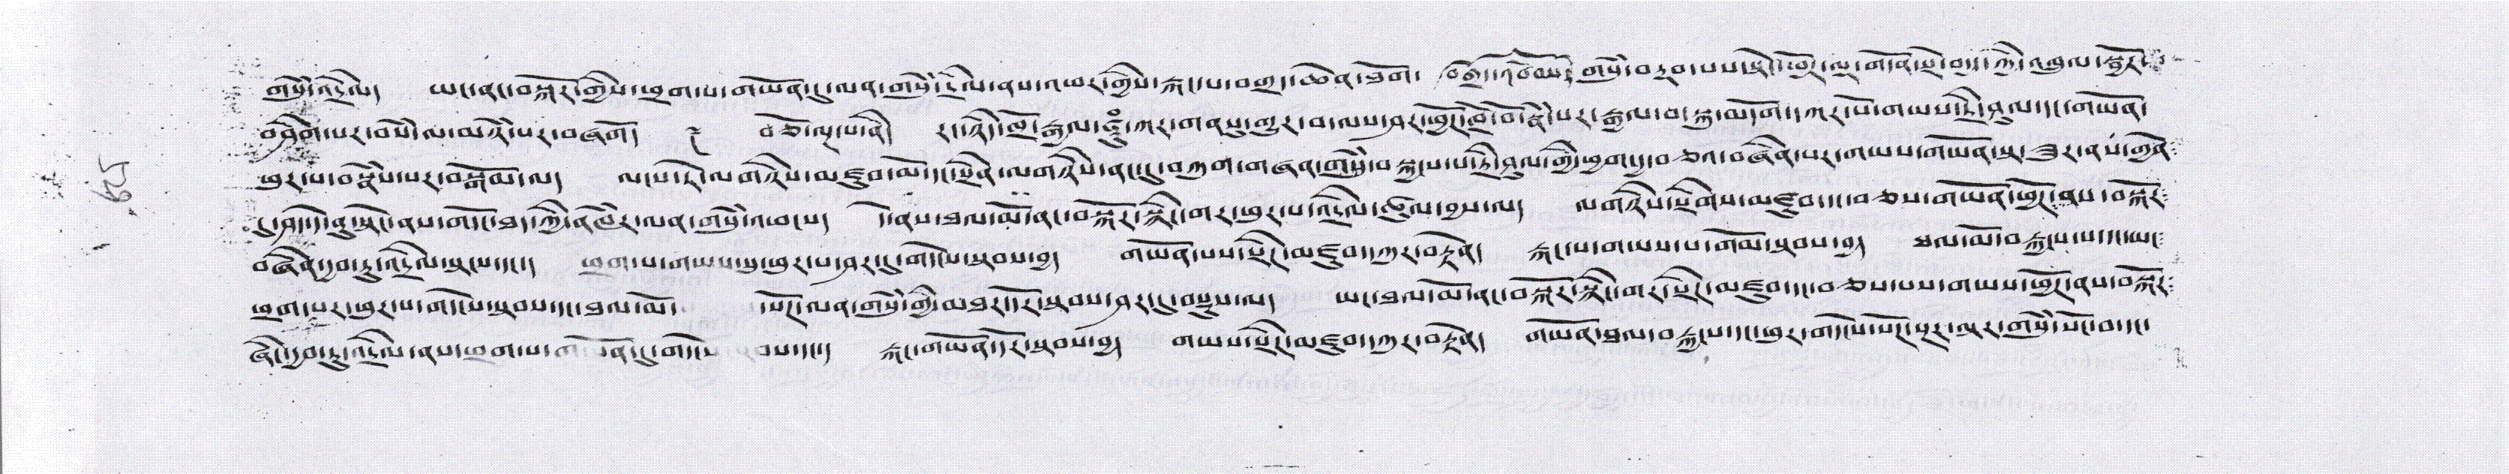གསུམ་འདྲིལ། ཡང་ནང་བསྐོར་གྱིས་འཕྲག་པ་གཡོན་དུ་ལན་གསུམ་དྲིལ་ནས་འཕར་གྱིས་རྐང་པ་བགྲད་ཆེན་ཐོག་༼བགྲད་འབེབས་༽གསུམ་བརྡབ་པས་སྟེང་ཕྱོགས་ལྷ་གདོན་སྡེ་བརྒྱད་ཀྱི་འཁྲུལ་སྦྱོར་
བཤིག་པར་བསམ་ལ་མཉམ་པར་བཞག་གོ། ༧ བཅོ་ལྔ་པ་ནི། རང་ཉིད་ཁྲོ་རྒྱལ་ཧཱུཾ་ཀར་གནས་སུ་གྱུར་པ་ལས་ཤར་ཕྱོགས་ཁྲོ་བོ་རྣམ་པར་རྒྱལ་བ་སྐུ་མདོག་དཀར་པོ་གཡས་ཏྲི་ཤུལ་དང་གཡོན་
ཕུར་པ་བསྣམས་པར་བསྒོམ་ལ། ལངས་ཏེ་ལག་གཉིས་སྲིན་ལག་དང་མཛུབ་མོ་ནང་དུ་བཀུག་གཞན་གསུམ་བརྐྱངས་པ་ཏྲི་ཤུལ་གྱི་ཕྱག་རྒྱ་བཅའ་བཞིན་པར་གཡས་གཡོན་སྟ་ཟུར་ནས་གྱེན་
དུ་ཤད་དེ་ནུ་སྟེང་ནས་གདོང་ཐད་ཀྱི་ནམ་མཁར་ལན་གསུམ་འཕངས། དེ་ནས་ཐལ་མོ་ནང་བསྐོར་སྙིང་གར་ཕུར་པ་འདྲིལ་ཚུལ་བྱས་ལ། ལག་གཉིས་སྡིགས་མཛུབ་དང་བཅས་གཡོན་ཕྱོགས་ནས་བསྐོར་
བཞིན་རྒྱབ་ཏུ་འདྲིལ་སྟངས་དང་། ཕྲག་པ་གཡས་སུ་ཕུར་པ་ཤར་དུ་གདེངས་སྟབས་བྱ། གཡོན་པས་སྡིགས་མཛུབ་དཀུར་བརྟེན། རྐང་པ་གཡས་པ་གོམ་སྟབས་བྱ། ཐལ་མོ་བརྐྱངས་པ་དང་ཡང་
ཕྲག་པར་ཕུར་པ་གདེང་སྟབས་དང་ཐལ་མོ་སོགས་ལན་གསུམ་གྱི་མཐར་དོར་སྟབས་ཤར་དུ་བསྡུས་ལ། ཡང་ཐལ་མོ་ནང་སྐོར་སྙིང་གར་སྡིགས་མཛུབ་དང་བཅས་པས་གཡས་ཕྱོགས་ནས་བསྐོར་
ཞིང་རྒྱབ་ཏུ་འདྲིལ་ནས་ཕྲག་པ་གཡོན་དུ་གདེང་སྟབས་དང་། རྐང་གཡོན་དོར་སྟབས་བྱ། གཡས་སྡིགས་མཛུབ་དཀུར་བརྟེན། གཡོན་ཐལ་རྐྱང་དང་ཕུར་གདེང་སོགས་སྔར་ལྟར་གསུམ་སོང་བ་དང་